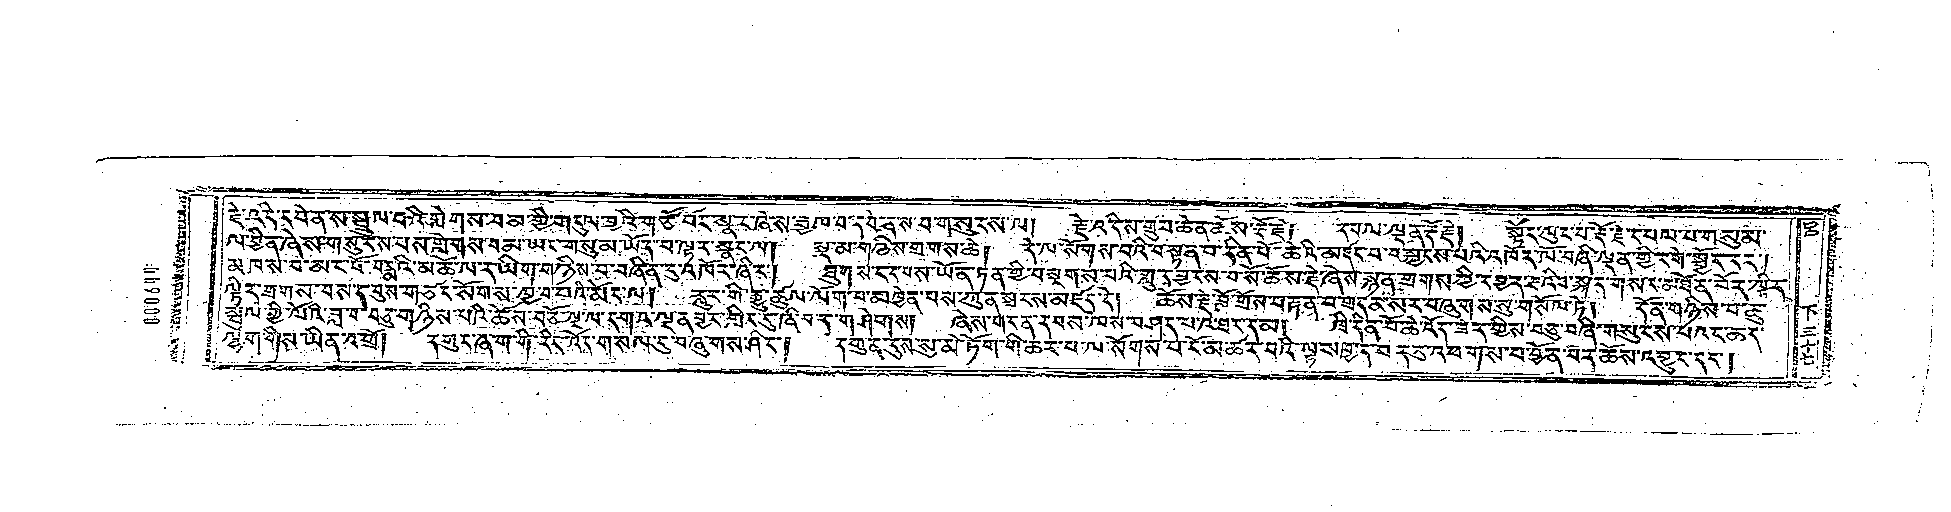རྗེ་འདི་དབེན་ས་སྤྲུལ་བའི་གླེགས་བམ་གྱི་གདུལ་བྱའི་གཙོ་བོར་སྣང་ཞེས་རྒྱལ་བ་དབེན་ས་པ་གསུངས་ལ། རྗེ་འདིས་གྲུབ་ཆེན་ཆོས་རྡོ་རྗེ། དཔལ་ལྡན་རྡོ་རྗེ། སྟོད་ལུང་པ་རྡོ་རྗེ་དཔལ་པ་གསུམ་
ལ་བྱིན་ཞེས་གསུངས་པས་གླེགས་བམ་ཡང་གསུམ་ཡོད་པ་ལྟར་སྣང་ལ། སྡ་མ་གཉིས་གྲགས་ཆེ། དེ་ལ་སོགས་པའི་བསྟན་པ་རིན་པོ་ཆེའི་མཛད་པ་བསྐྱངས་པའི་འཁོར་ལོ་བཞི་ལྡན་གྱི་དགེ་སྦྱོང་དང་།
མཁས་པ་མང་པོ་པདམའི་མཚོ་ལ་ར་ཡིག་གཉིས་པ་བཞིན་དུ་འཁོར་ཞིང་། ཐུགས་དང་པས་ཡོན་ཏན་གྱི་བསྔགས་པའི་གླུ་དབྱངས་བ་སོ་ཆོས་རྗེ་ཞེས་སྙན་གྲགས་ཀྱི་དབྱར་རྔའི་བ་སྐད་གསང་མཐོན་པོར་ལྡིར་
ལྟིར་གྲགས་བས་དབུས་གཙང་སོགས་ཁྱབ་བའི་མོད་ལ། རླུང་གི་རྒྱུ་ཚུལ་ལོག་པ་མཁྱེན་པས་ཀུན་སྤངས་མཛད་དེ། ཆོས་རྗེ་བློ་གྲོས་བརྟན་བ་གདན་སར་བཞུགས་སུ་གསོལ་ཏེ། དོན་གཉིས་པ་ཆུ་
སྦྲུལ་གྱི་ལོའི་ཟླ་བ་བཅུ་གཉིས་པའི་ཚེས་བཅོ་ལྔ་ལ་དགའ་ལྡན་བྱང་གླིང་དུ་ཞི་བར་གཤེགས། ཞེས་གདན་རབས་ལས་བཤད་པ་འཐང་དམ། ཁྲི་རིན་པོ་ཆེ་འོད་ཟེར་གྱིས་བཅུ་བཞི་གསུངས་པའང་ཆད་
ལྷག་གིས་ཡིན་འགྲོ། དགུང་ཞག་གི་རིང་འོད་གསལ་དུ་བཞུགས་ཤིང་། དགུན་དུས་སུ་མེ་ཏོག་གི་ཆར་པ་ལ་སོགས་པ་ངོ་མ་ཚར་བའི་ལྟས་ཁྱད་བར་དུ་འཕགས་པ་བྱོན་པར་ཆོས་འབྱུང་དང་།